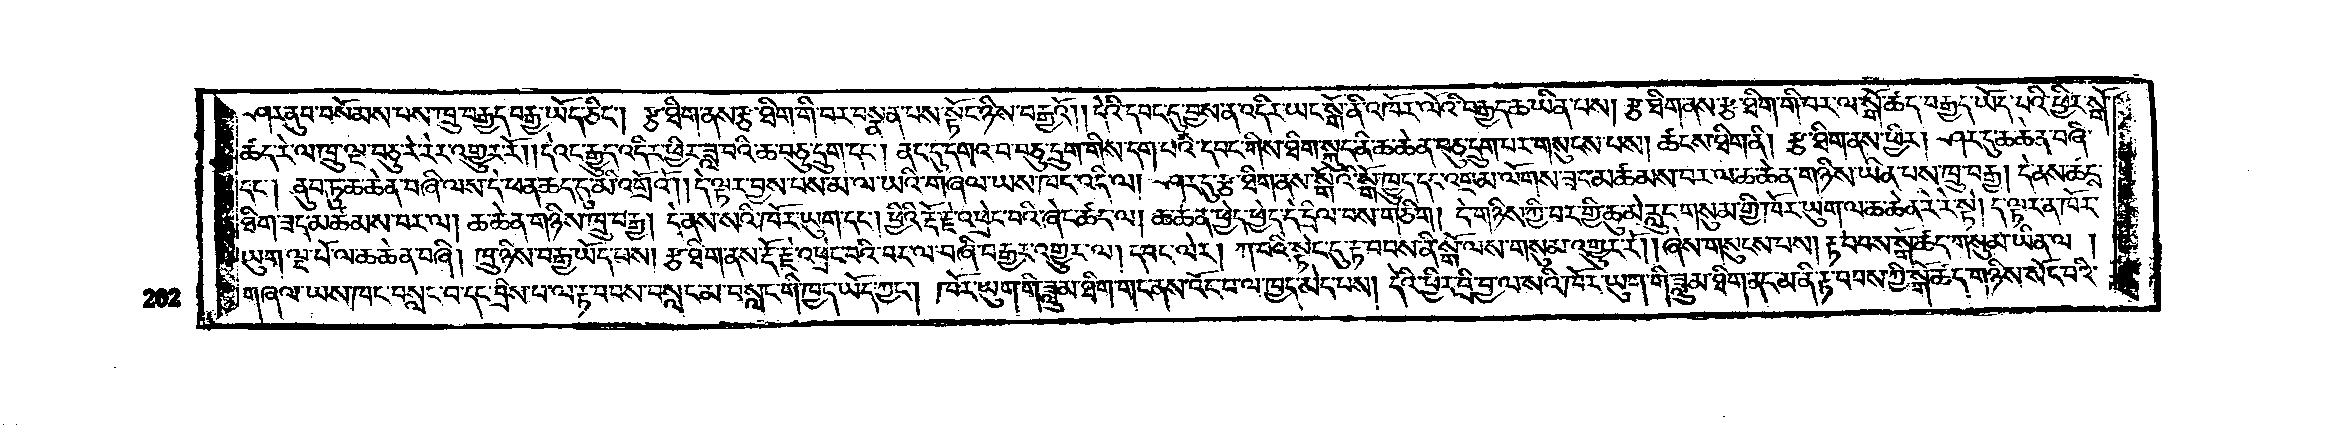ཤར་ནུབ་བསྡོམས་པས་ཁྲུ་བརྒྱད་བརྒྱ་ཡོད་ཅིང་། རྩ་ཐིག་ནས་རྩ་ཐིག་གི་བར་བསྣན་པས་སྟོང་ཉིས་བརྒྱའོ། །དེའི་དབང་དུ་བྱས་ན་འདིར་ཡང་སྒོ་ནི་འཁོར་ལོའི་བརྒྱད་ཆ་ཡིན་པས། རྩ་ཐིག་ནས་རྩ་ཐིག་གི་བར་ལ་སྒོ་ཚད་བརྒྱད་ཡོད་པའི་ཕྱིར་སྒོ་
ཚད་རེ་ལ་ཁྲུ་ལྔ་བཅུ་རེ་རེར་འགྱུར་རོ། །དེའང་རྒྱུད་འདིར་ཕྱིར་ཟླ་བའི་ཆ་བཅུ་དྲུག་དང་། ནང་དུ་དགའ་བ་བཅུ་དྲུག་གིས་དག་པའི་དབང་གིས་ཐིག་སྐུད་ནི་ཆ་ཆེན་བཅུ་དྲུག་པར་གསུངས་པས། ཚངས་ཐིག་ནི། རྩ་ཐིག་ནས་ཕྱིར། ཤར་དུ་ཆ་ཆེན་བཞི་
དང་། ནུབ་ཏུ་ཆ་ཆེན་བཞི་ལས་དེ་ཕན་ཆད་དུ་མི་འགྲོའོ། །དེ་ལྟར་བྱས་པས་མ་ལ་ཡའི་གཞལ་ཡས་ཁང་འདི་ལ། ཤར་དུ་རྩ་ཐིག་ནས་སྒོའི་སྒོ་ཁྱུད་དང་འགྲམ་ལོགས་ཟད་མཚམས་བར་ལ་ཆ་ཆེན་གཉིས་ཡིན་པས་ཁྲུ་བརྒྱ། དེ་ནས་ཚངས་
ཐིག་ཟད་མཚམས་པར་ལ། ཆ་ཆེན་གཉིས་ཁྲུ་བརྒྱ། དེ་ནས་སའི་ཁོར་ཡུག་དང་། ཕྱིའི་རྡོ་རྗེ་འཕྲེང་བའི་ཞེང་ཚང་ལ། ཆ་ཆེན་ཕྱེད་ཕྱེད་དེ་དྲིལ་བས་གཅིག །དེ་གཉིས་ཀྱི་བར་གྱི་ཆུ་མེ་རླུང་གསུམ་གྱི་ཁོར་
ཡུག་ལ་ཆ་ཆེན་རེ་རེ་སྟེ། དེ་ལྟར་ན་ཁོར་ཡུག་ལྔ་ཕེ་ལ་ཆ་ཆེན་བཞི། ཁྲུ་ཉིས་བརྒྱ་ཡོད་པས། རྩ་ཐིག་ནས་རྡོ་རྗེ་འཕྲེང་བའི་བར་ལ་བཞི་བརྒྱར་འགྱུར་ལ། དབང་ལེར། ཀ་བའི་སྟེང་དུ་རྟ་བབས་ནི་སྒོ་ལས་གསུམ་འགྱུར་རོ། །ཞེས་གསུངས་པས། རྟ་བབས་སྒོ་ཚད་གསུམ་ཡིན་ལ།
གཞལ་ཡས་ཁང་བསླང་བ་དང་བྲིས་པ་ལ་རྟ་བབས་བསླང་མ་བསླང་གི་ཁྱད་ཡོད་ཀྱང་། ཁོར་ཡུག་གི་ཟླུམ་ཐིག་གང་ནས་འོང་བ་ལ་ཁྱད་མེད་པས། དེའི་ཕྱིར་བྲི་བྱ་ལ་སའི་ཁོར་ཡུག་གི་ཟླུམ་ཐིག་ནང་མ་ནི་རྟ་བབས་ཀྱི་སྒོ་ཚད་གཉིས་སོང་བའི་